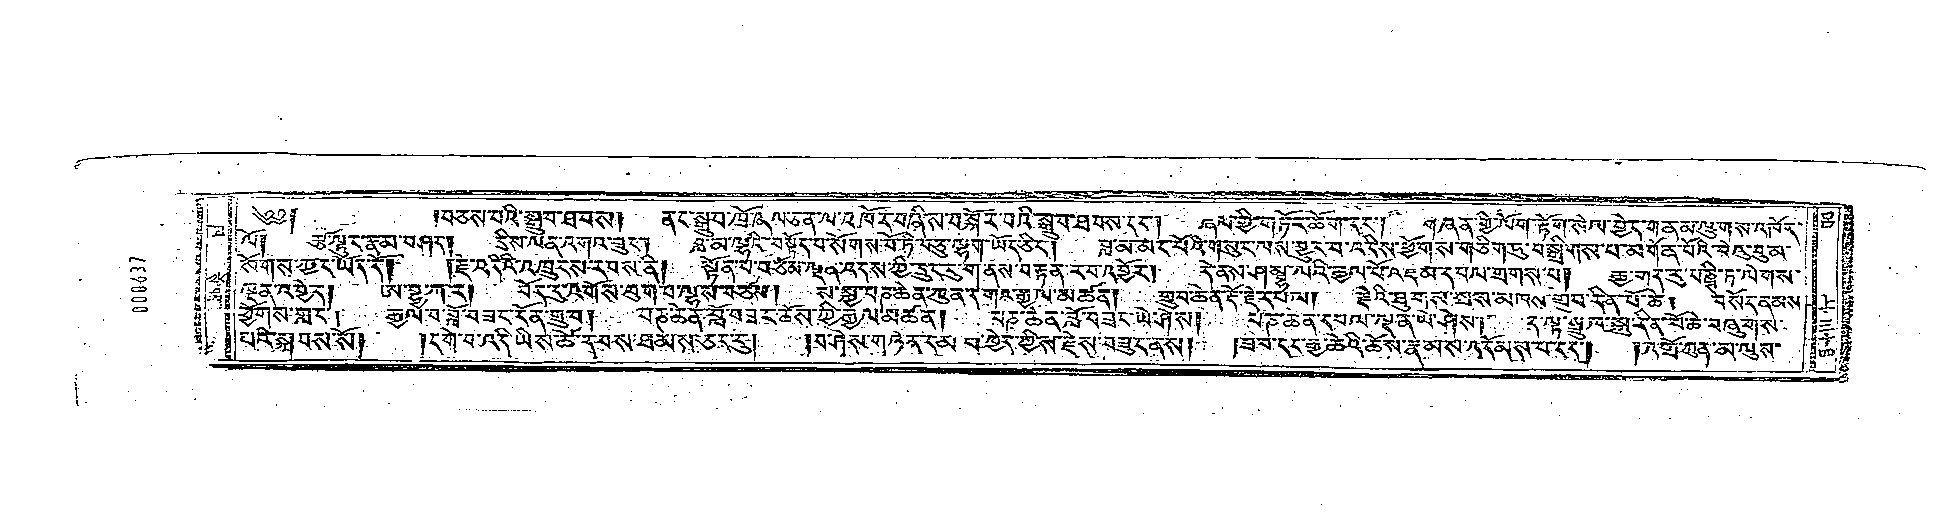༄༅། །བཅས་པའི་སྒྲུབ་ཐབས། ནང་སྒྲུབ་ཁྲོ་ཞལ་ཅན་ལ་འཁོར་བཞིས་བསྐོར་བའི་སྒྲུབ་ཐབས་དང་། ཞལ་གྱི་གཏོར་ཆོག་དང་། གཞན་གྱི་ལོག་རྟོག་སེལ་བྱེད་གནམ་ལྕགས་འཁོར་
ལོ། རྩ་ལྟུང་རྣམ་བཤད། དྲིས་ལན་འགའ་ཟུང་། བླ་མ་ལྷའི་བསྟོད་པ་སོགས་པོ་ཏི་བཅུ་ལྷག་ཡོད་ཅིང་། བླ་མ་མང་པོའི་གསུང་ལས་བྱུང་པ་འདིས་ཕྱོགས་གཅིག་ཏུ་བསྒྲིགས་པ་མགོན་པོའི་བེའུ་བུམ་
སོགས་ཀྱང་ཡོད་དོ། །རྗེ་འདིའི་འཁྲུངས་རབས་ནི། སྟོན་པ་བཅོམ་ལྡན་འདས་ཀྱི་དྲུང་དུ་གནས་བརྟན་རབ་འབྱོར། དེ་ནས་ཤམྦྷ་ལའི་རྒྱལ་པོ་འཇམ་དཔལ་གྲགས་པ། རྒྱ་གར་དུ་པཎྚི་ཏ་ལེགས་
ལྡན་འབྱེད། ཨ་བྷྱ་ཀ་ར། བོད་དུ་འགོས་ཁུག་པ་ལྷས་བཙས། ས་སྐྱ་པཎ་ཆེན་ཀུན་དགའ་རྒྱལ་མཚན། གྲུབ་ཆེན་རྡོ་རྗེ་དཔལ། རྗེའི་ཐུགས་སྲས་མཁས་གྲུབ་རིན་པོ་ཆེ། བསོད་ནམས་
ཕྱོགས་གླང་། རྒྱལ་བ་བློ་བཟང་དོན་གྲུབ། པཎ་ཆེན་བློ་བཟང་ཆོས་ཀྱི་རྒྱལ་མཚན། པཎ་ཆེན་བློ་བཟང་ཡེ་ཤེས། པཎ་ཆེན་དཔལ་ལྡན་ཡེ་ཤེས། ད་ལྟ་སྤྲུལ་སྐུ་རིན་པོ་ཆེ་བཞུགས་
པའི་སྐབས་སོ། །དགེ་བ་འདི་ཡིས་ཚེ་རབས་ཐམས་ཅད་དུ། །བ་ཤེས་གཉེན་དམ་བ་ཁྱེད་ཀྱིས་རྗེས་བཟུང་ནས། །ཟབ་དང་རྒྱ་ཆེའི་ཆོས་རྣམས་འདོམས་པ་དང་། །འགྲོ་ཀུན་མ་ལུས་